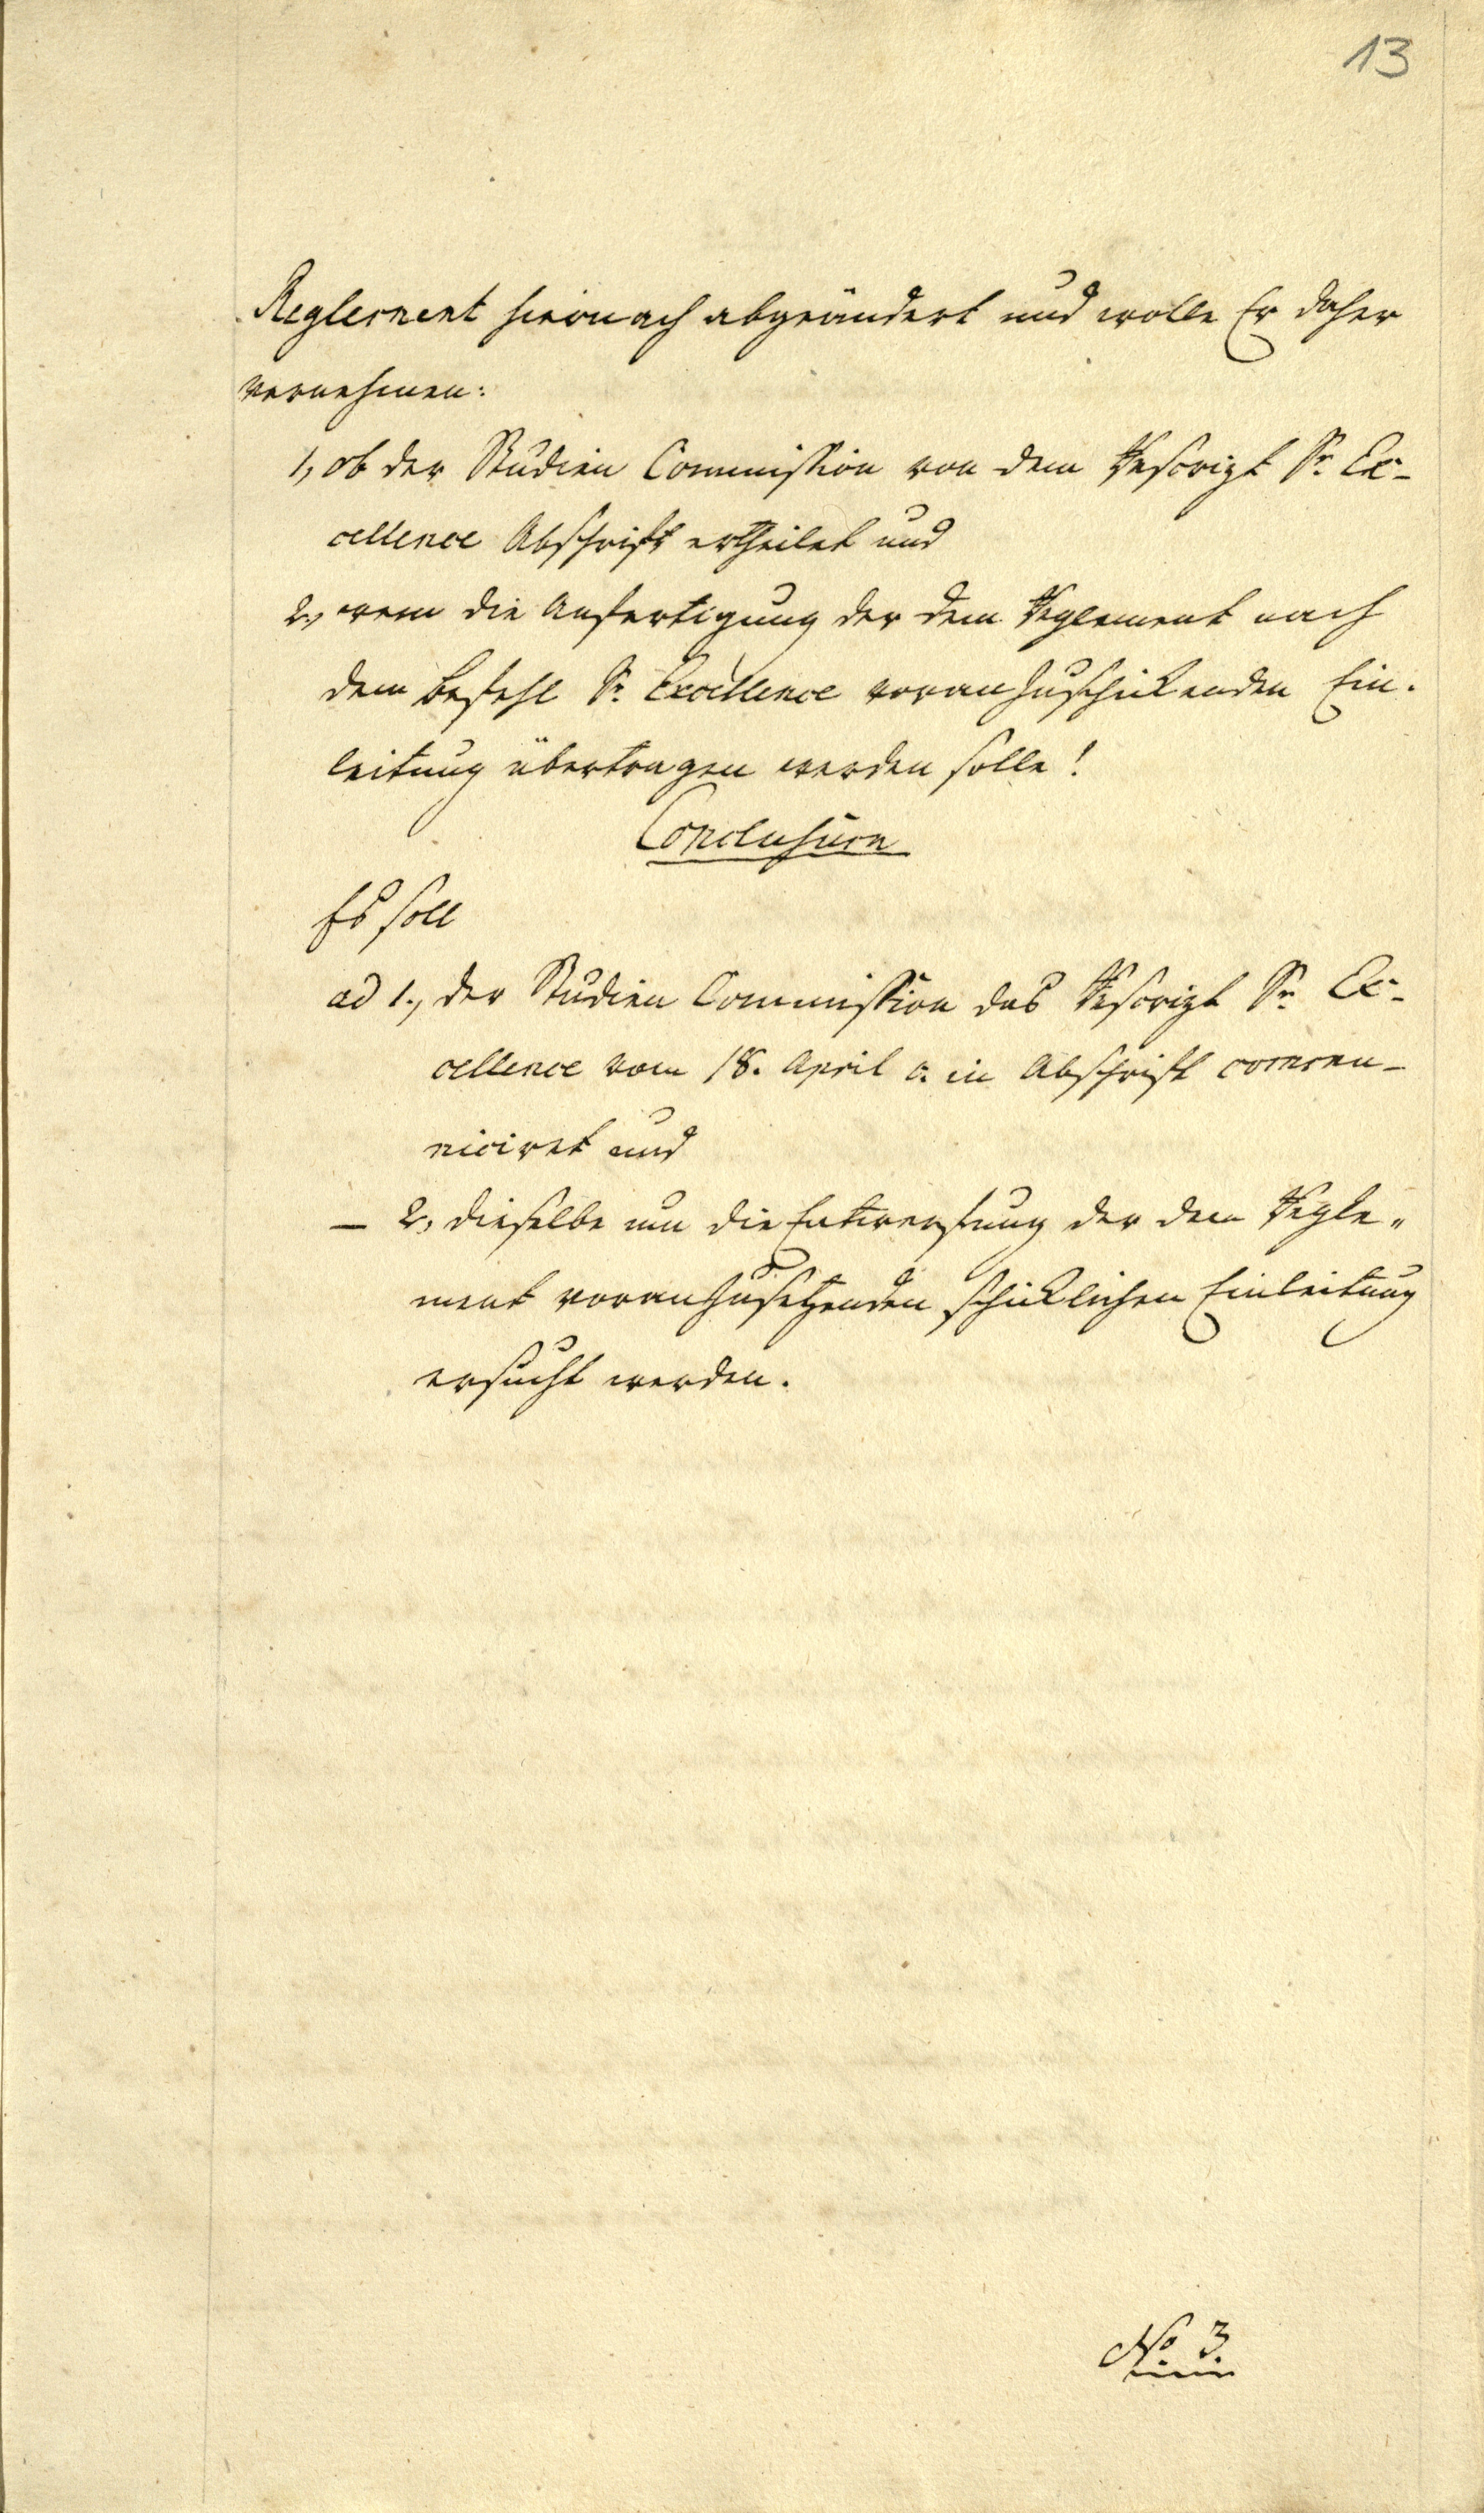Reglement hiernach abgeändert und wolle Er daher
vernehmen:
1, ob der Studien Commission von dem Rescript Sr. Ex¬
cellence Abschrift ertheilet und
2., wem die Anfertigung der dem Reglement nach
dem Befehl Sr. Excellence voran zuschickenden Ein¬
leitung übertragen werden solle!
Conclusum
Es soll
ad 1., der Studien Commission das Rescript Sr. Ex¬
cellence vom 18. April c. in Abschrift commu¬
niciret und
2, dieselbe um die Entwerfung der dem Regle¬
ment voranzusetzenden schicklichen Einleitung
ersucht werden.